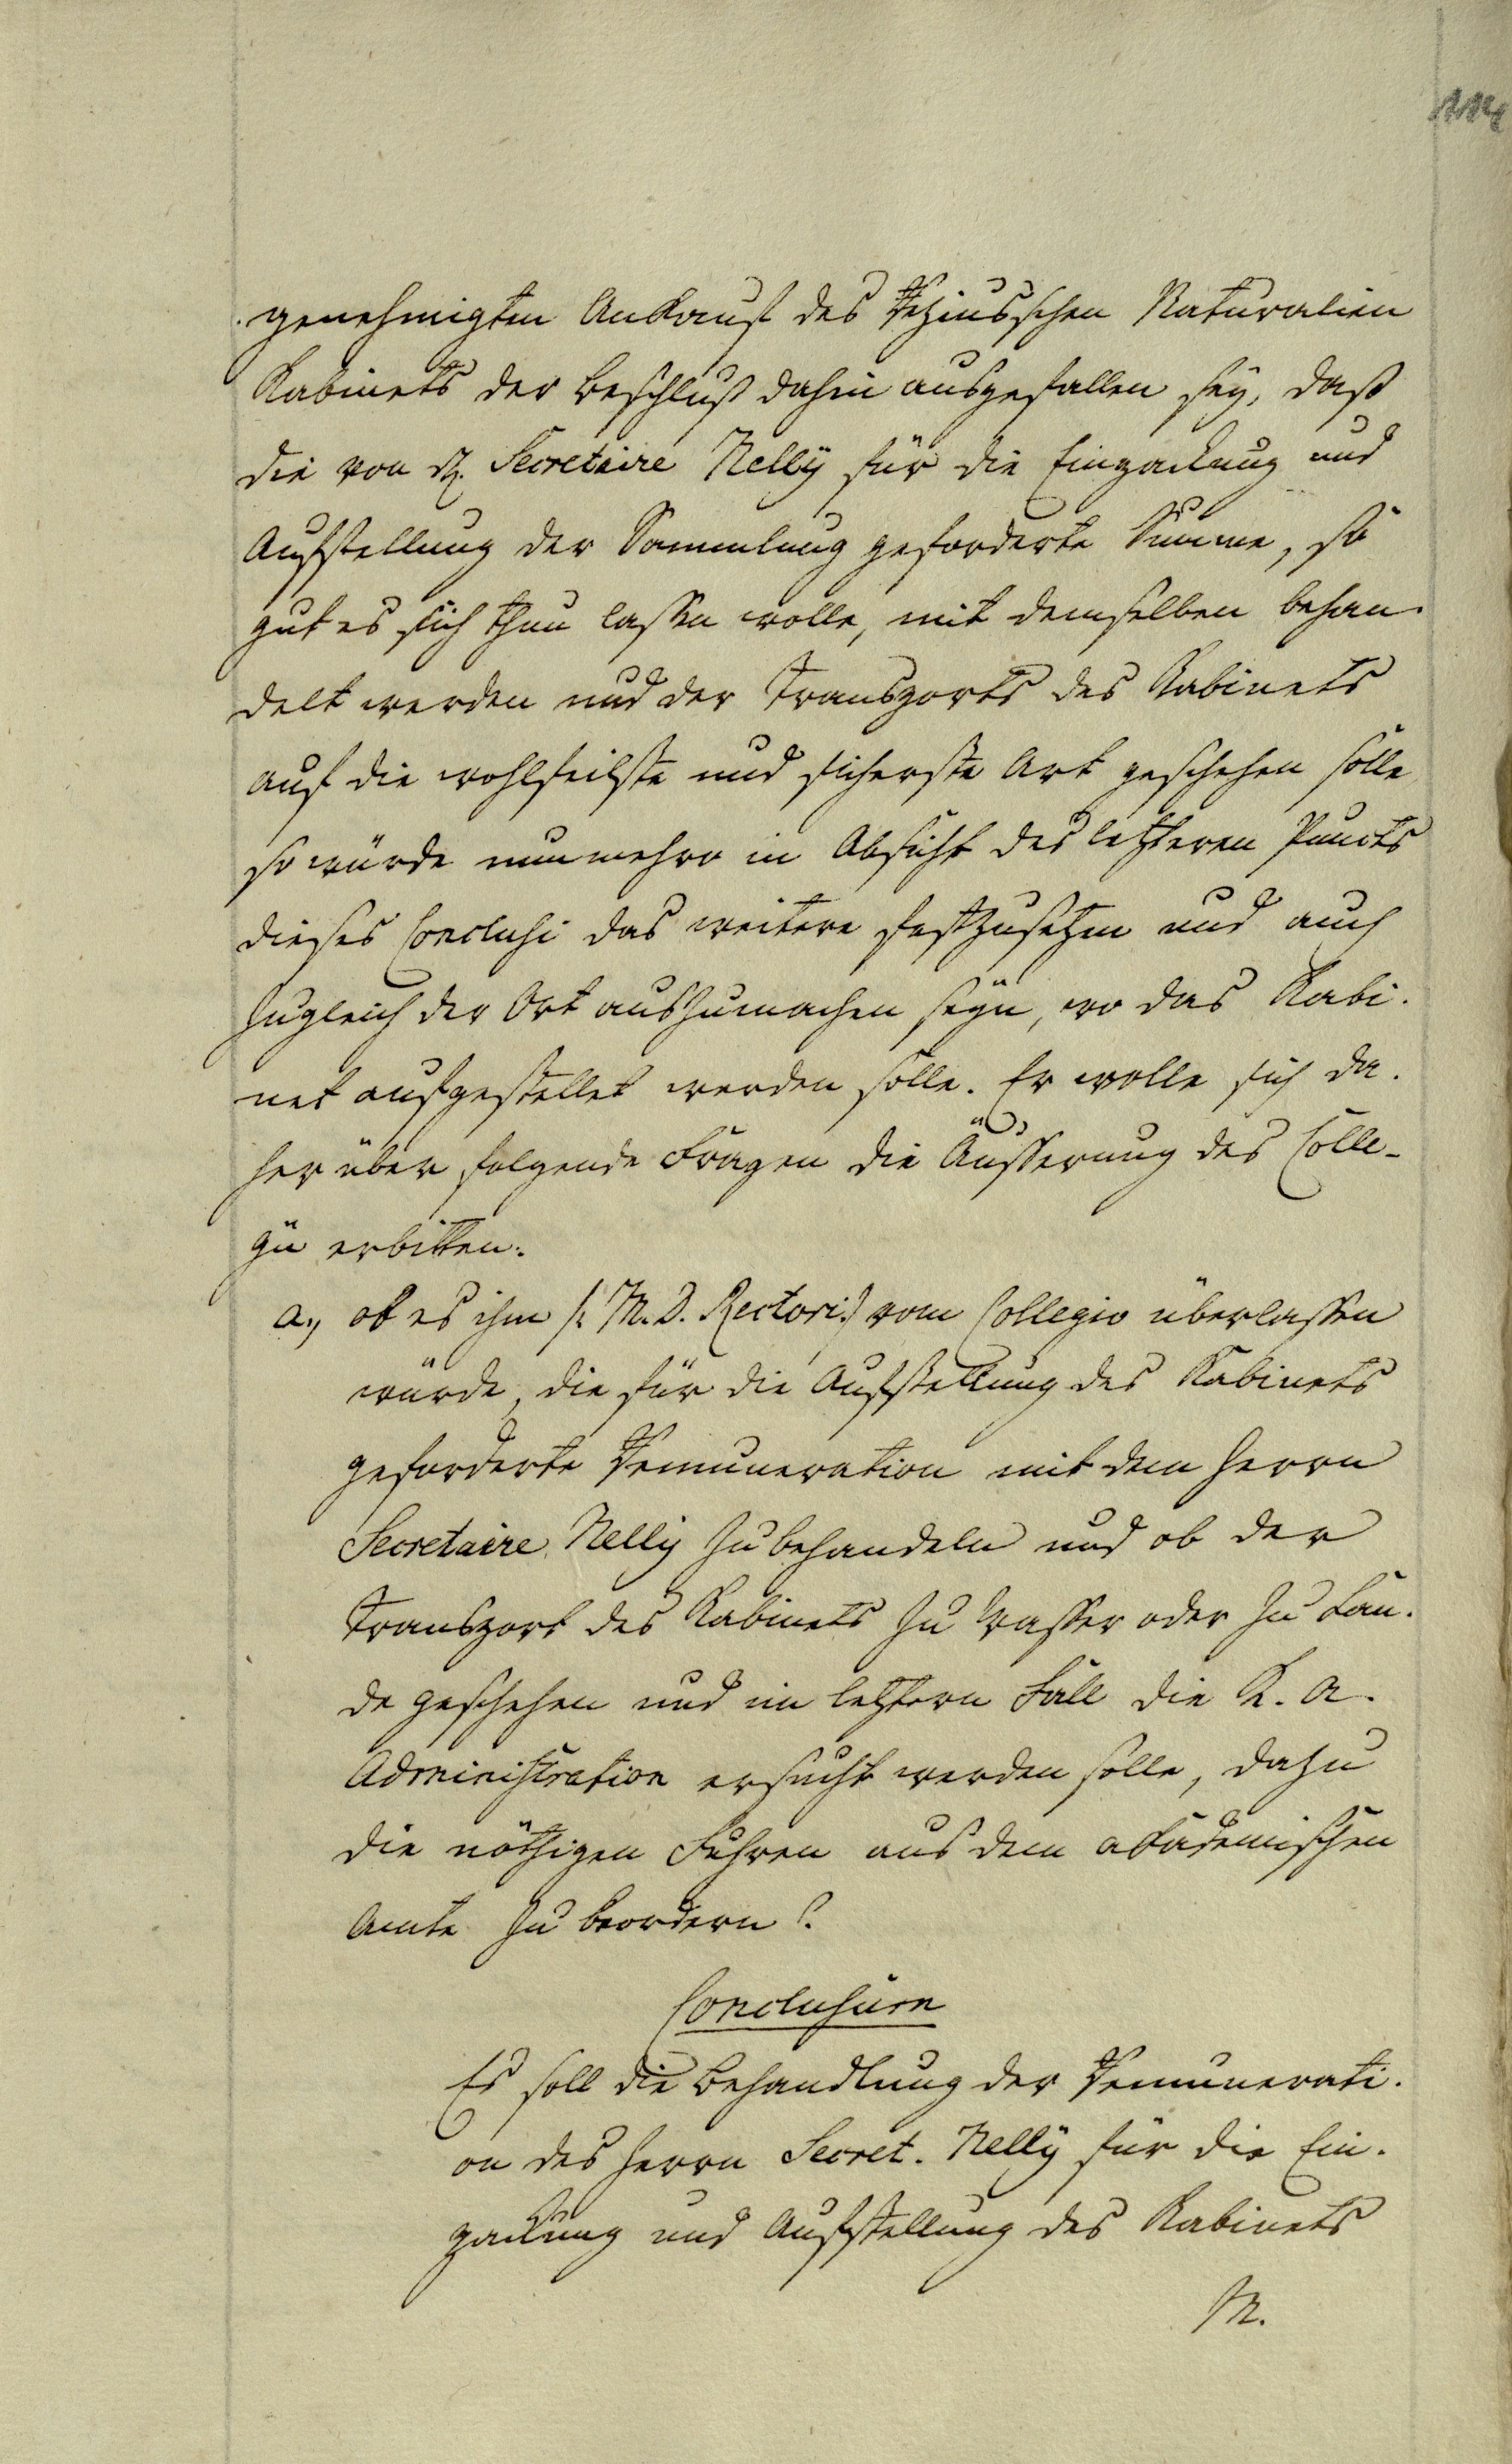genehmigten Ankauf des Reziusschen Naturalien
Kabinets der Beschluß dahin ausgefallen seÿ, daß
die von dh. Secretaire Nellÿ für die Einpackung und
Aufstellung der Sammlung geforderte Summe, so
gut es sich thun lassen wolle, mit demselben behan¬
delt werden und der Transports des Kabinets
auf die wohlfeilste und sicherste Art geschehen solle
so würde nunmehro in Absicht des letzteren Puncts
dieses Conclusi das weitere festzusetzen und auch
zugleich der Ort auszumachen seÿn, wo das Kabi
net aufgestellet werden solle. Er wolle sich da¬
her über folgende Fragen die Äusserung des Colle¬
gii erbitten.
a., ob es ihm /: M. D. Rectori ./ vom Collegio überlassen
würde, die für die Aufstellung des Kabinets
geforderte Remuneration mit dem Herrn
Secretaire Nellÿ zu behandeln und ob der
Transport des Kabinets zu Wasser oder zu Lan¬
de geschehen und im letztern Fall die K. A.
Administration ersucht werden solle, dazu
die nöthigen Fuhren aus dem akademischen
Amte zu beordern?
Conclusum
Es soll die Behandlung der Remunerati¬
on des Herrn Secret. Nellÿ für die Ein¬
packung und Aufstellung des Kabinets
M.